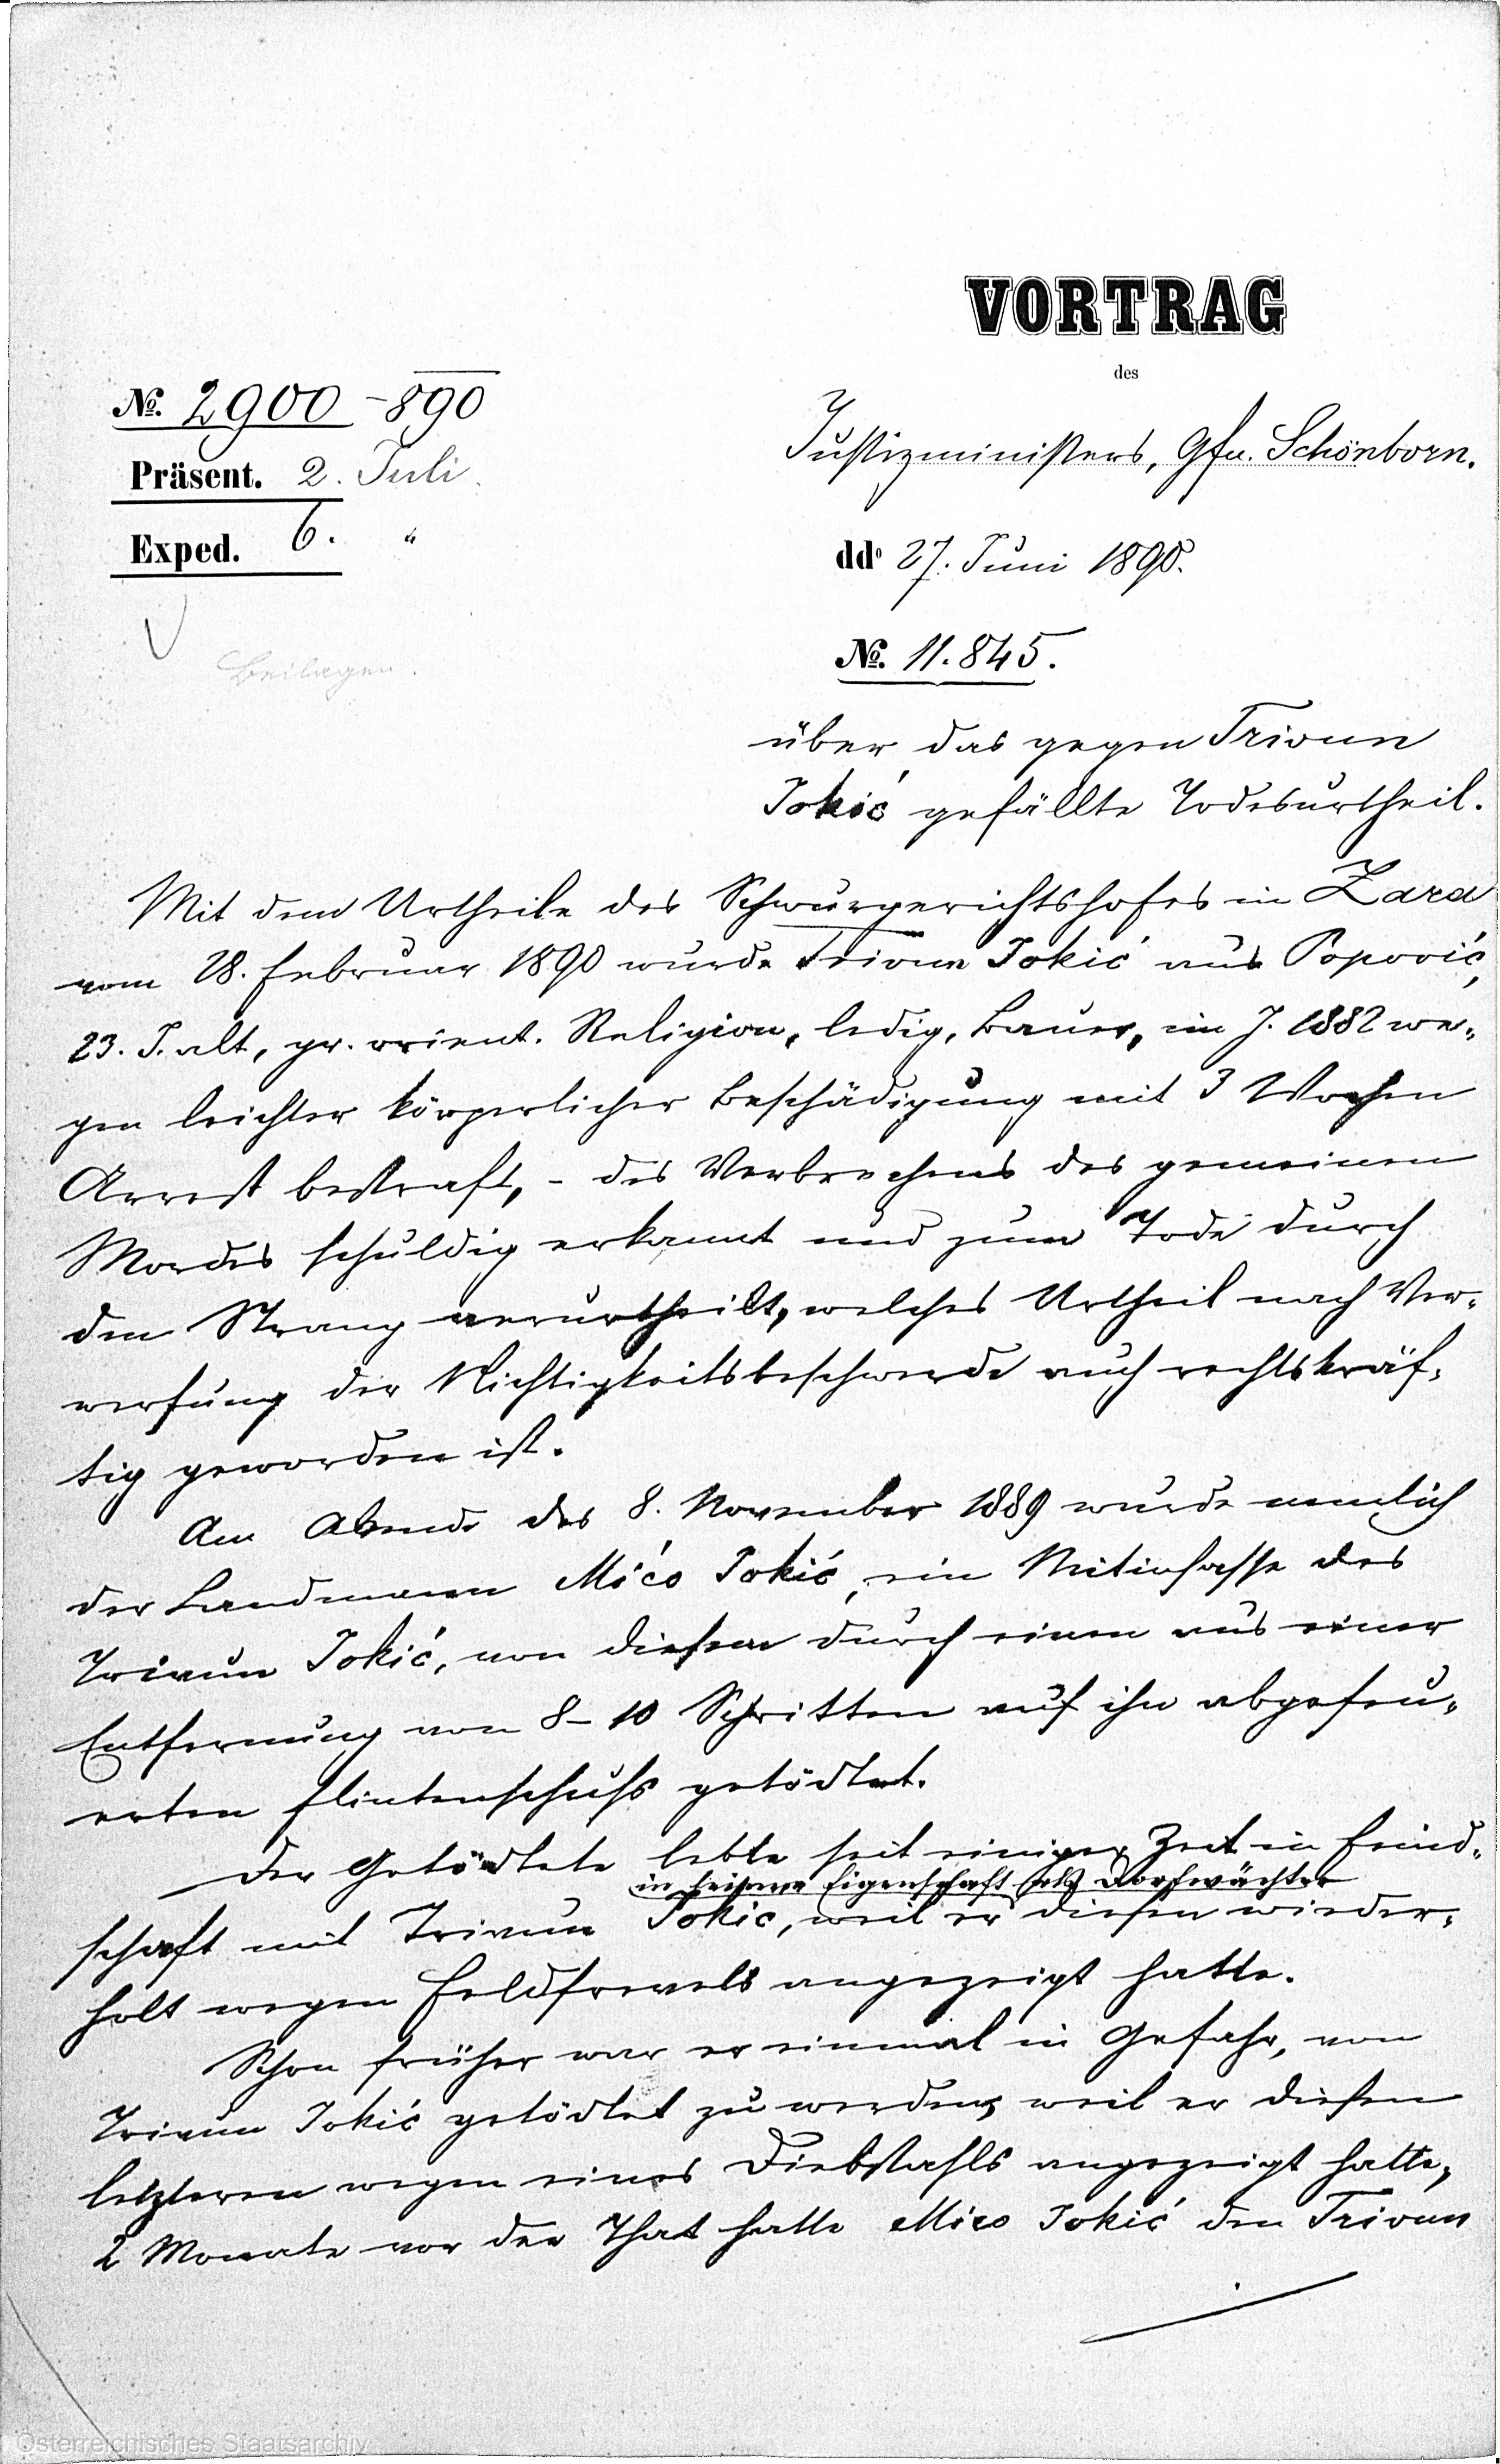VORTRAG
des
Justizministers, Gfn. Schönborn.
dd° 27. Juni 1890.
Nr. 11.845.
über das gegen Trivun
Jokić gefällte Todesurtheil.
Mit dem Urtheile des Schwurgerichtshofes in Zara
vom 28. Februar wurde Trivun Jokić aus Popović,
23. J. alt, gr. orient. Religion, ledig, Bauer, im J. 1882 we¬
gen leichter körperlicher Beschädigung mit 3 Wochen
Arrest bestraft, - des Verbrechens des gemeinen
Mordes schuldig erkannt und zum Tode durch
den Strang verurtheilt, welches Urtheil nach Ver¬
werfung die Nichtigkeitsbeschwerde auch rechtskräf¬
tig geworden ist.
Am Abends des 8. November 1889 wurde nemlich
der Landmann Mićo Jokić, ein Mitinsasse des
Trivun Jokić, von diesem durch einen aus einer
Entfernung von 8-10 Schritten auf ihn abgefeu¬
erten Flintenschuss getödtet.
Der Getödtete lebte seit einiger Zeit in Feind¬
in xx Eigenschaft als Dorfwächter
schaft mit Trivun Jokic, weil er diesen wieder¬
holt wegen Feldfrevels angezeigt hatte.
Schon früher war er einmal in Gefahr, von
Trivun Jokić getödtet zu werden, weil er diesen
letzteren wegen eines Diebstahls angezeigt hatte,
2 Monate vor der That hatte Mico Jokić den Trivun
Nr. 2900-890
Präsent. 2. Juli.
Exped. 6. Juli
Beilagen.